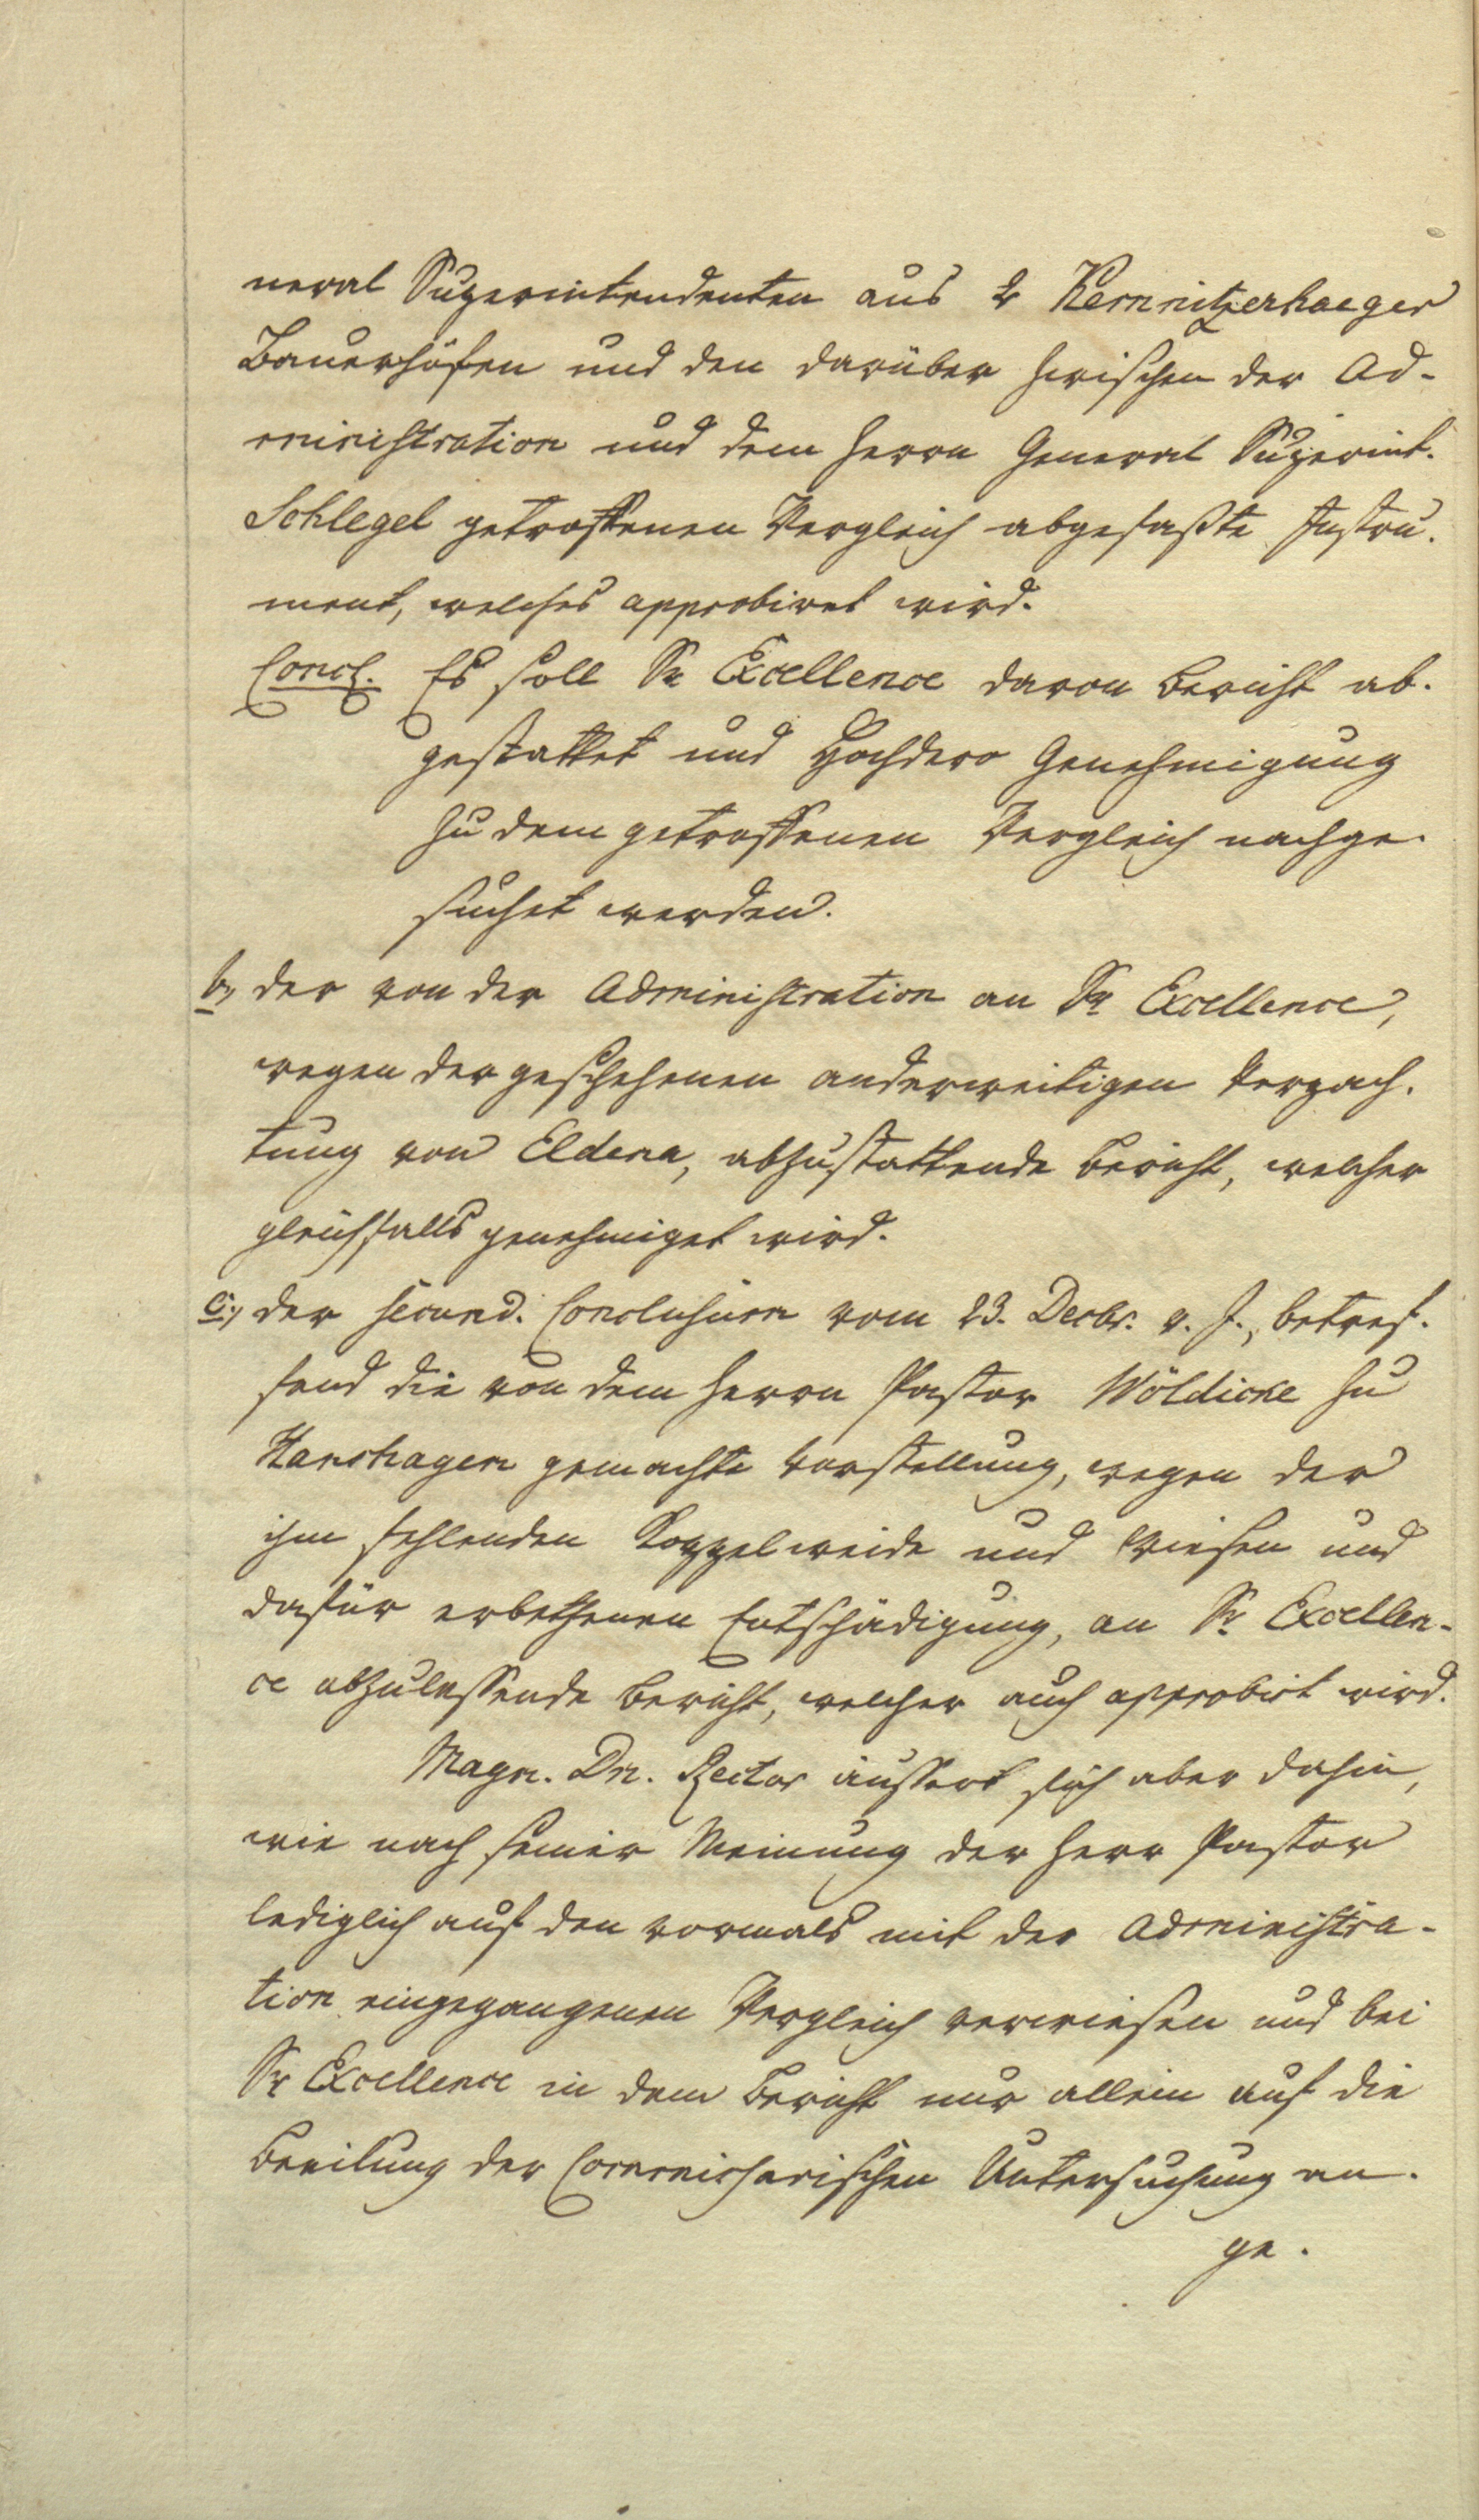neral Superintendenten aus 2 Kemnitzerhaeger
Bauerhöfen und den darüber zwischen der Ad¬
ministration und dem Herrn General Superint.
Schlegel getroffenen Vergleich abgefaßte Instru¬
ment, welches approbiret wird.
Concl. Es soll Sr Excellence davon Bericht ab¬
gestattet und Hochdero Genehmigung
zu dem getroffenen Vergleich nachge¬
suchet werden.
b., der von der Administration an Sr Excellence,
wegen der geschehenen anderweitigen Verpach¬
tung von Eldena, abzustattende Bericht, welcher
gleichfalls genehmiget wird.
c., der secund. Conclusum vom 23. Decbr. v. J., betref¬
fand die von dem Herrn Pastor Wöldicke zu
Hanshagen gemachte Vorstellung, wegen der
ihm fehlenden Koppelweide und Wiesen und
dafür erbethenen Entschädigung, an Sr Excellen¬
ce abzulassende Bericht, welcher auch approbirt wird.
Magn. Dn. Rector äussert sich aber dahin,
wie nach seiner Meinung der Herr Pastor
lediglich auf den vormals mit der Administra-
tion eingegangenen Vergleich verwiesen und bei
Sr Excellence in dem Bericht nur allein auf die
Beeilung der Commissarischen Untersuchung an¬
ge¬